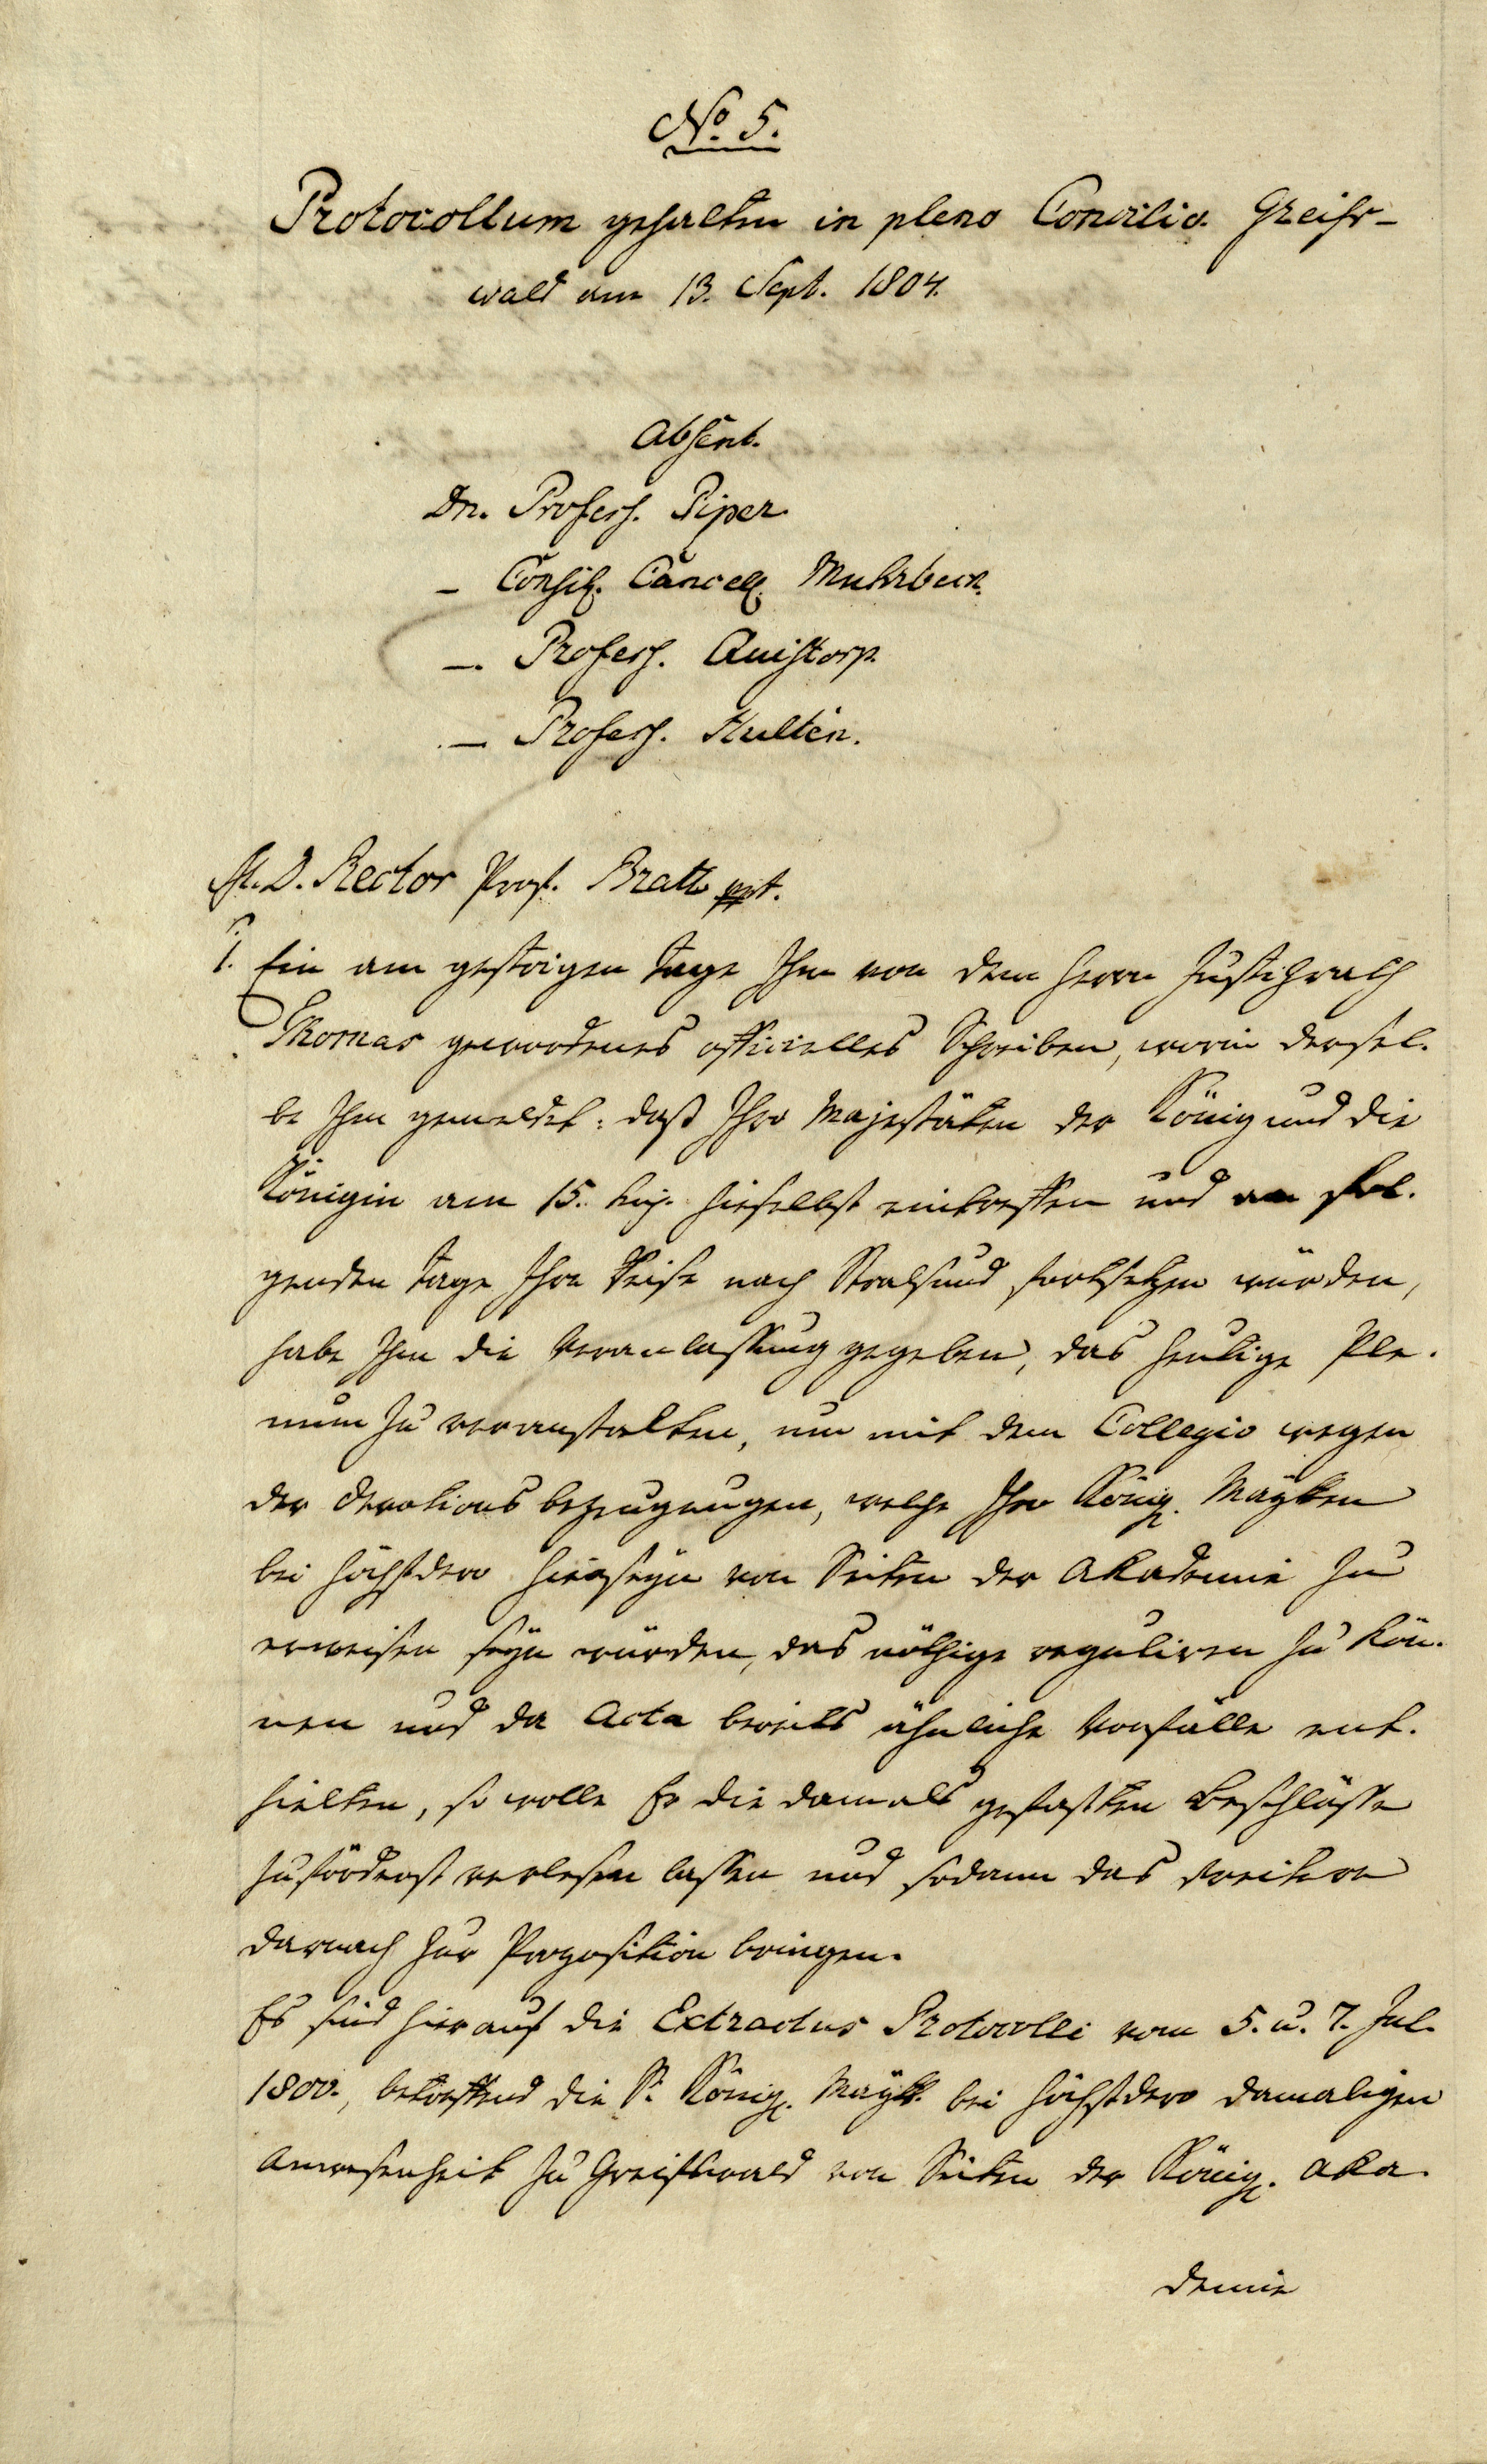No 5.
Protocollum gehalten in pleno Concilio Greifs¬
wald am 13. Sept. 1804.
Absent.
Dn. Profess. Piper.
Consis. Cancel. Muhrbeck.
Profess. Quistorp.
Profess. Hultén.
M. D. Rector Prof. Bratt ppt.
1. Ein am gestrigen Tage Ihm von dem Herrn Justizrath
Thomas gewordenes officielles Schreiben, worin dersel¬
be Ihm gemeldet: daß Ihro Majestäten der König und die
Königin am 15. huj. hieselbst eintreffen und am fol¬
genden Tage Ihre Reise nach Stralsund fortsetzen würden,
habe Ihm die Veranlassung gegeben, das heutige Ple¬
num zu veranstalten, um mit dem Collegio wegen
der Devotionsbezeugungen, welche Ihro König. Maÿtten
bei höchstdero Hierseÿn von Seiten der Akademie zu
erweisen seÿn würden, das nöthige reguliren zu kön¬
nen und da Acta bereits ähnliche Vorfälle ent¬
hielten, so wolle Er die damals gefaßten Beschlüsse
zuförderst verlesen lassen und sodann das weitere
darnach zur Proposition bringen.
Es sind hierauf die Extractus Protocolli vom 5. u. 7. Jul.
1800., betreffend die Sr Königl. Maÿtt. bei höchstdero damaligen
Anwesenheit zu Greifswald von Seiten der Königl. Aka¬
demie